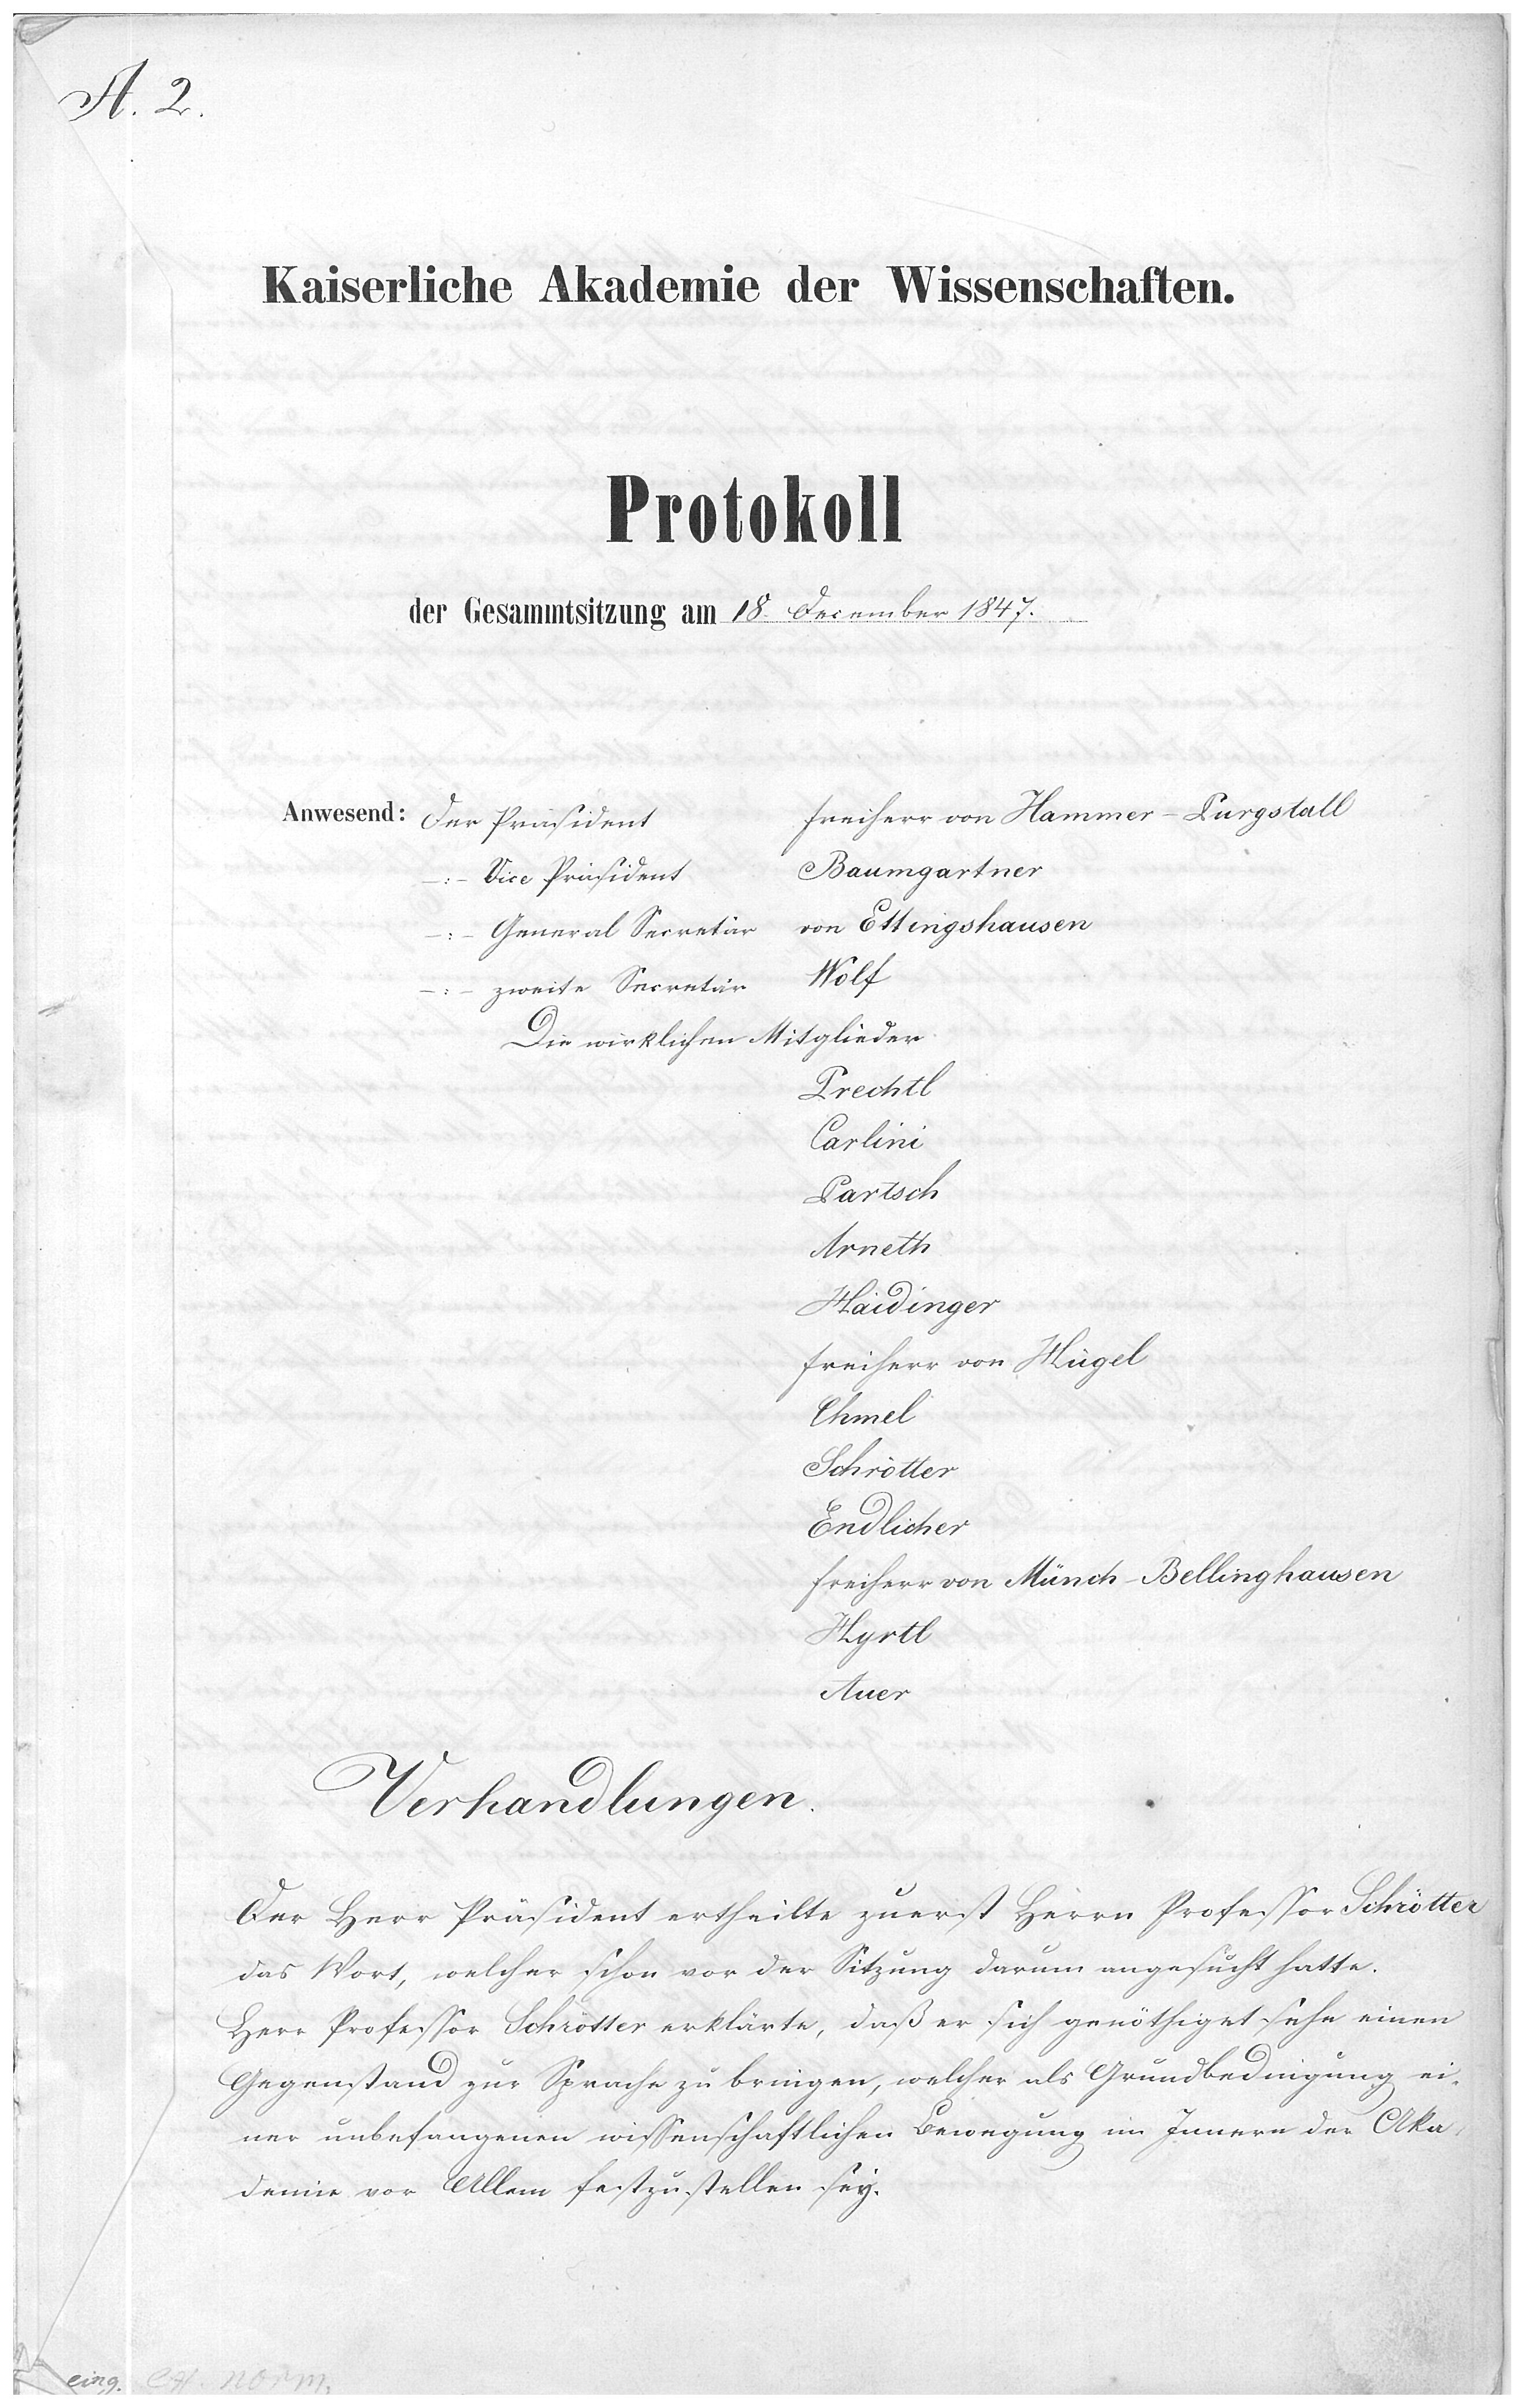A. 2.
Kaiserliche Akademie der Wissenschaften.
Protokoll
Gesammtsitzung am 18. December 1847.
Anwesend: Der Präsident Freiherr von Hammer-Purgstall
" Vice-Präsident Baumgartner
" General Secretär von Ettingshausen
" zweite Gecretär Wolf
Die wirklichen Mitglieder
Prechtl
Carlini
Partsch
Arneth
Haidinger
Freiherr von Hügel
Chmel
Schrötter
Endlicher
Freiherr von Münch-Bellinghausen
Hyrtl
Auer
Verhandlungen
Der Herr Präsident ertheilte zuerst Herrn Professor Schrötter
das Wort, welcher schon vor der Sitzung darum angesucht hatte.
Herr Professor Schrötter erklärte, daß er sich genöthiget sehe einen
Gegenstand zur Sprache zu bringen, welcher als Grundbedingung ei-
ner unbefangenen wissenschaftlichen Bewegung im Innern der Aka-
demie vor Allem festzustellen sey: